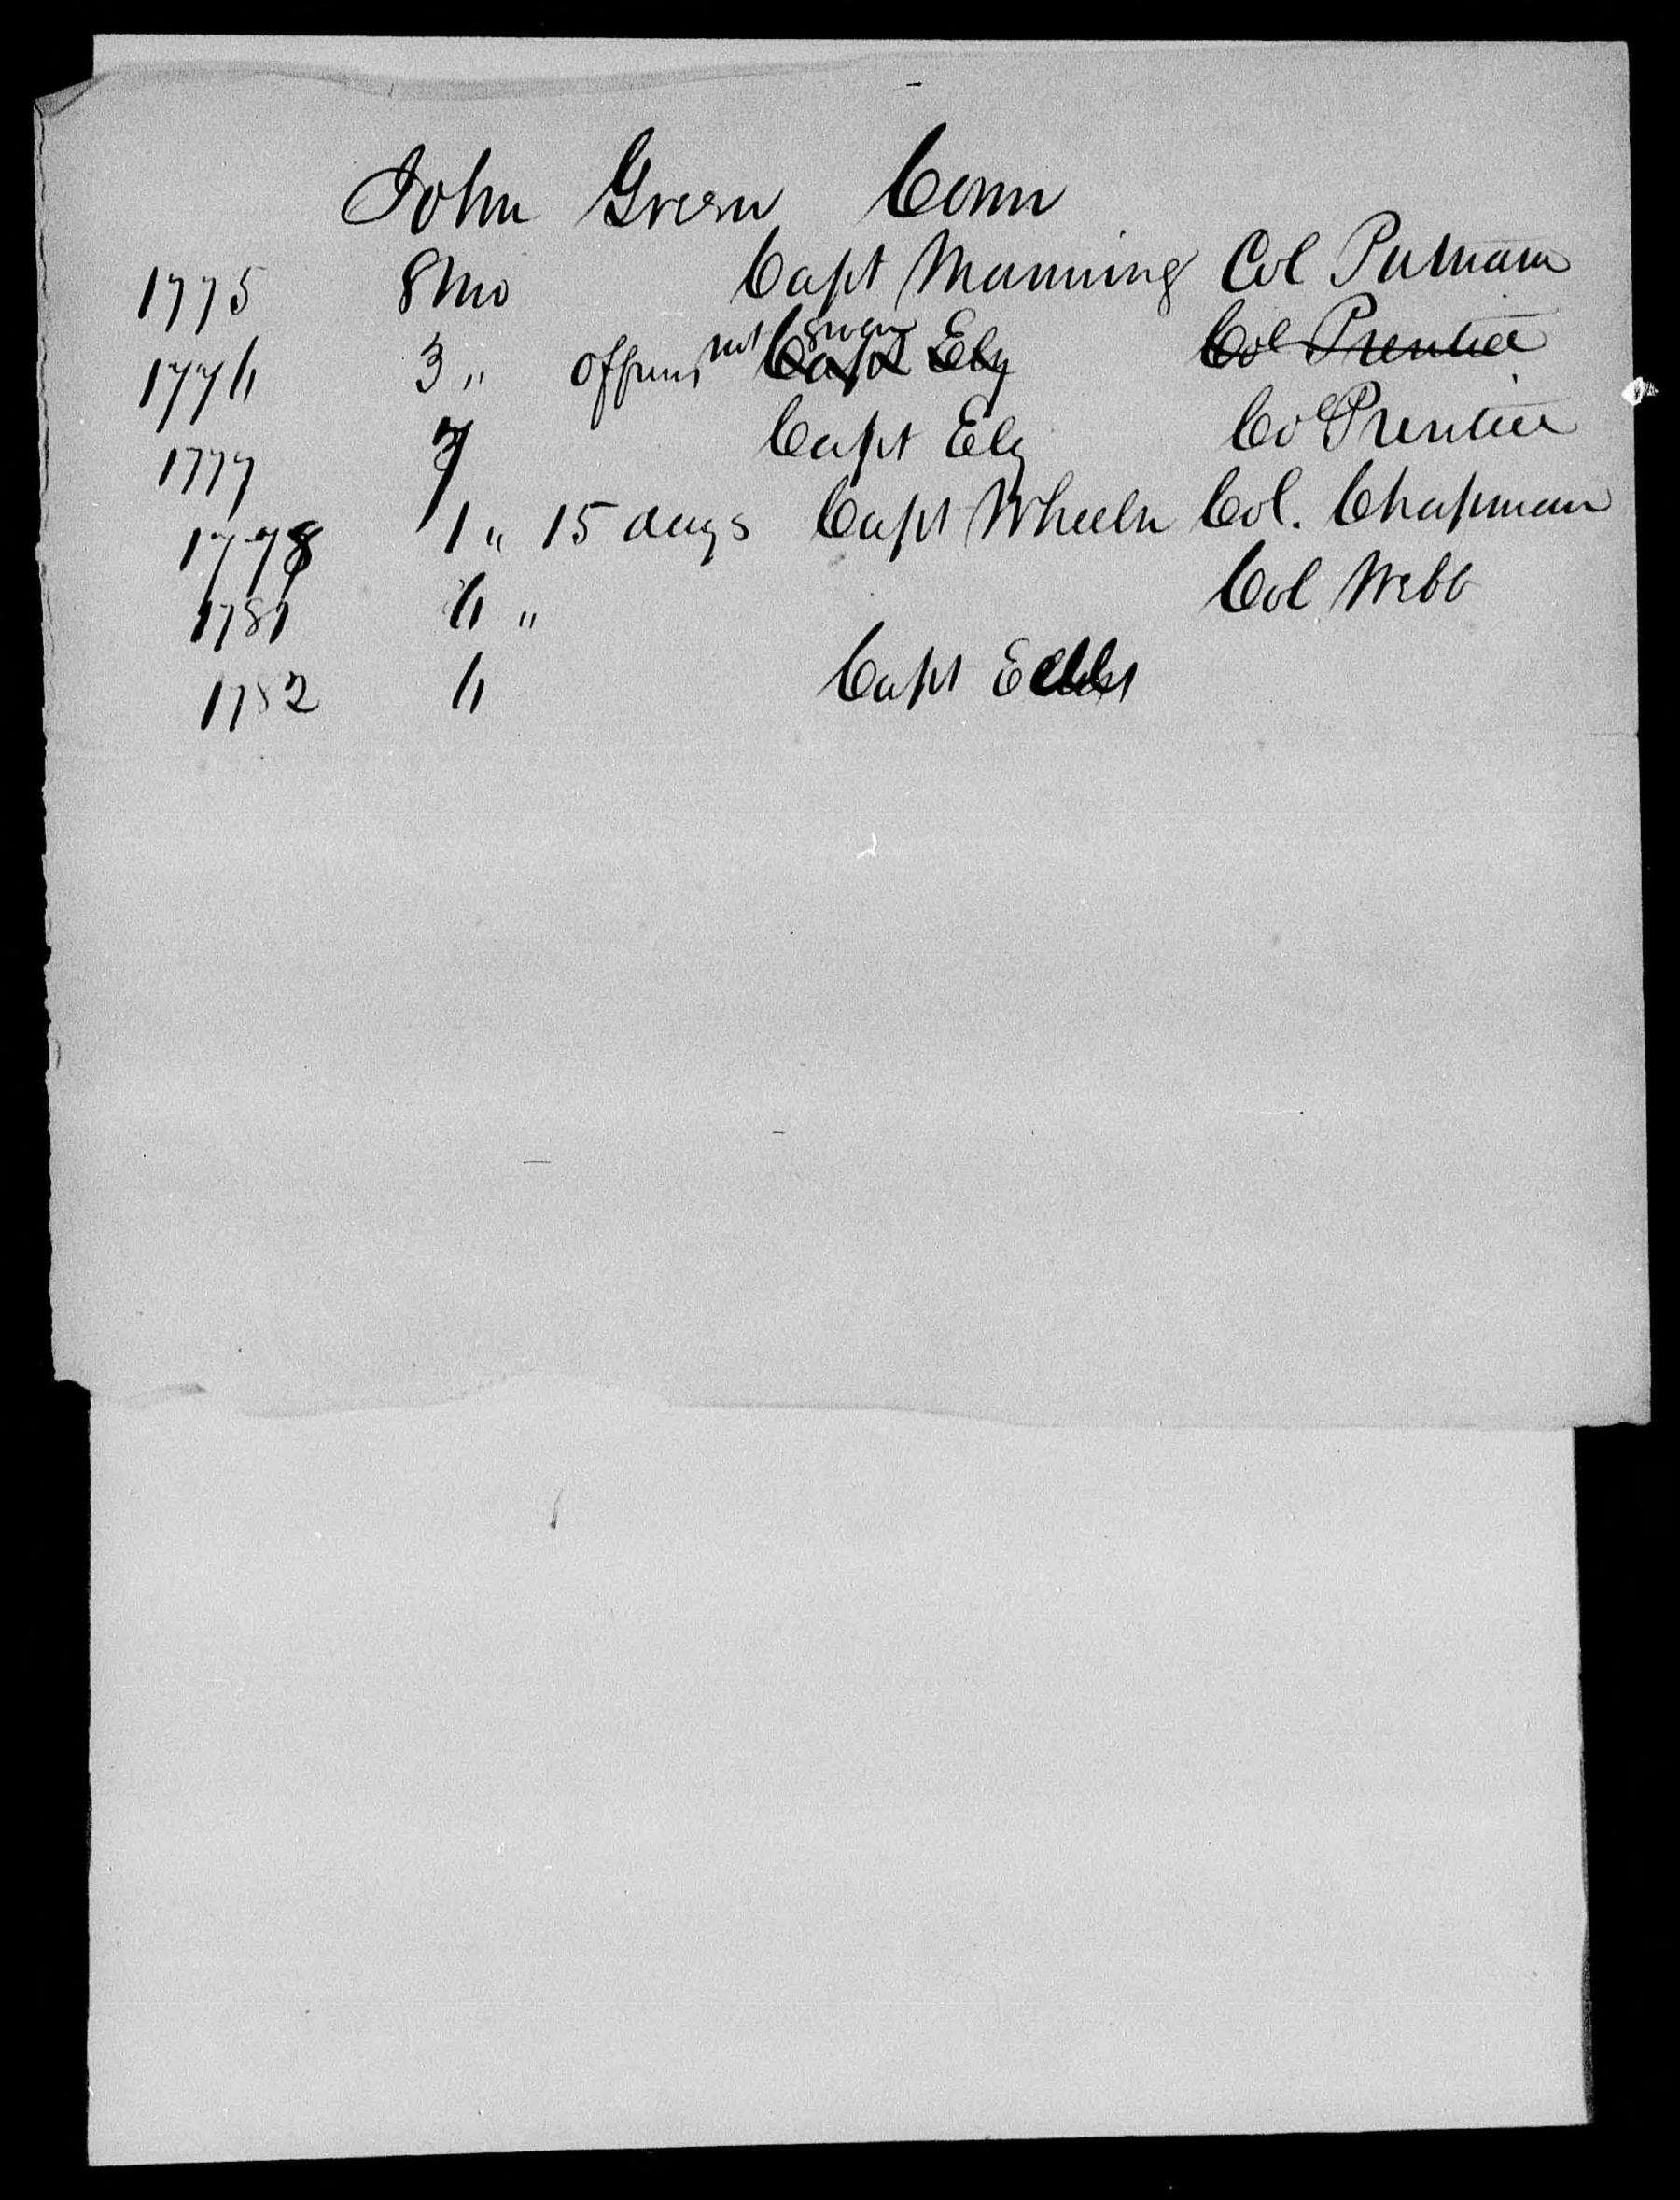John Green Conn
1775 8 mo. Capt Manning Col Putnam
1776 3 mo. officer not given
1777 7 mo. Capt Ely Col Prentice
1778 1 mo. 15 days Capt Wheeler Col Chapman
1781 11 mo.                  Col Webb
1782 11 mo. Capt Ellis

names: Ely, Chapman, Prentice, Putnam, Ely, Webb, Manning, Ells, John Green, Prentice, Wheeler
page: 40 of 40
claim: rejected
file: R. 4251, John Green, Conn.